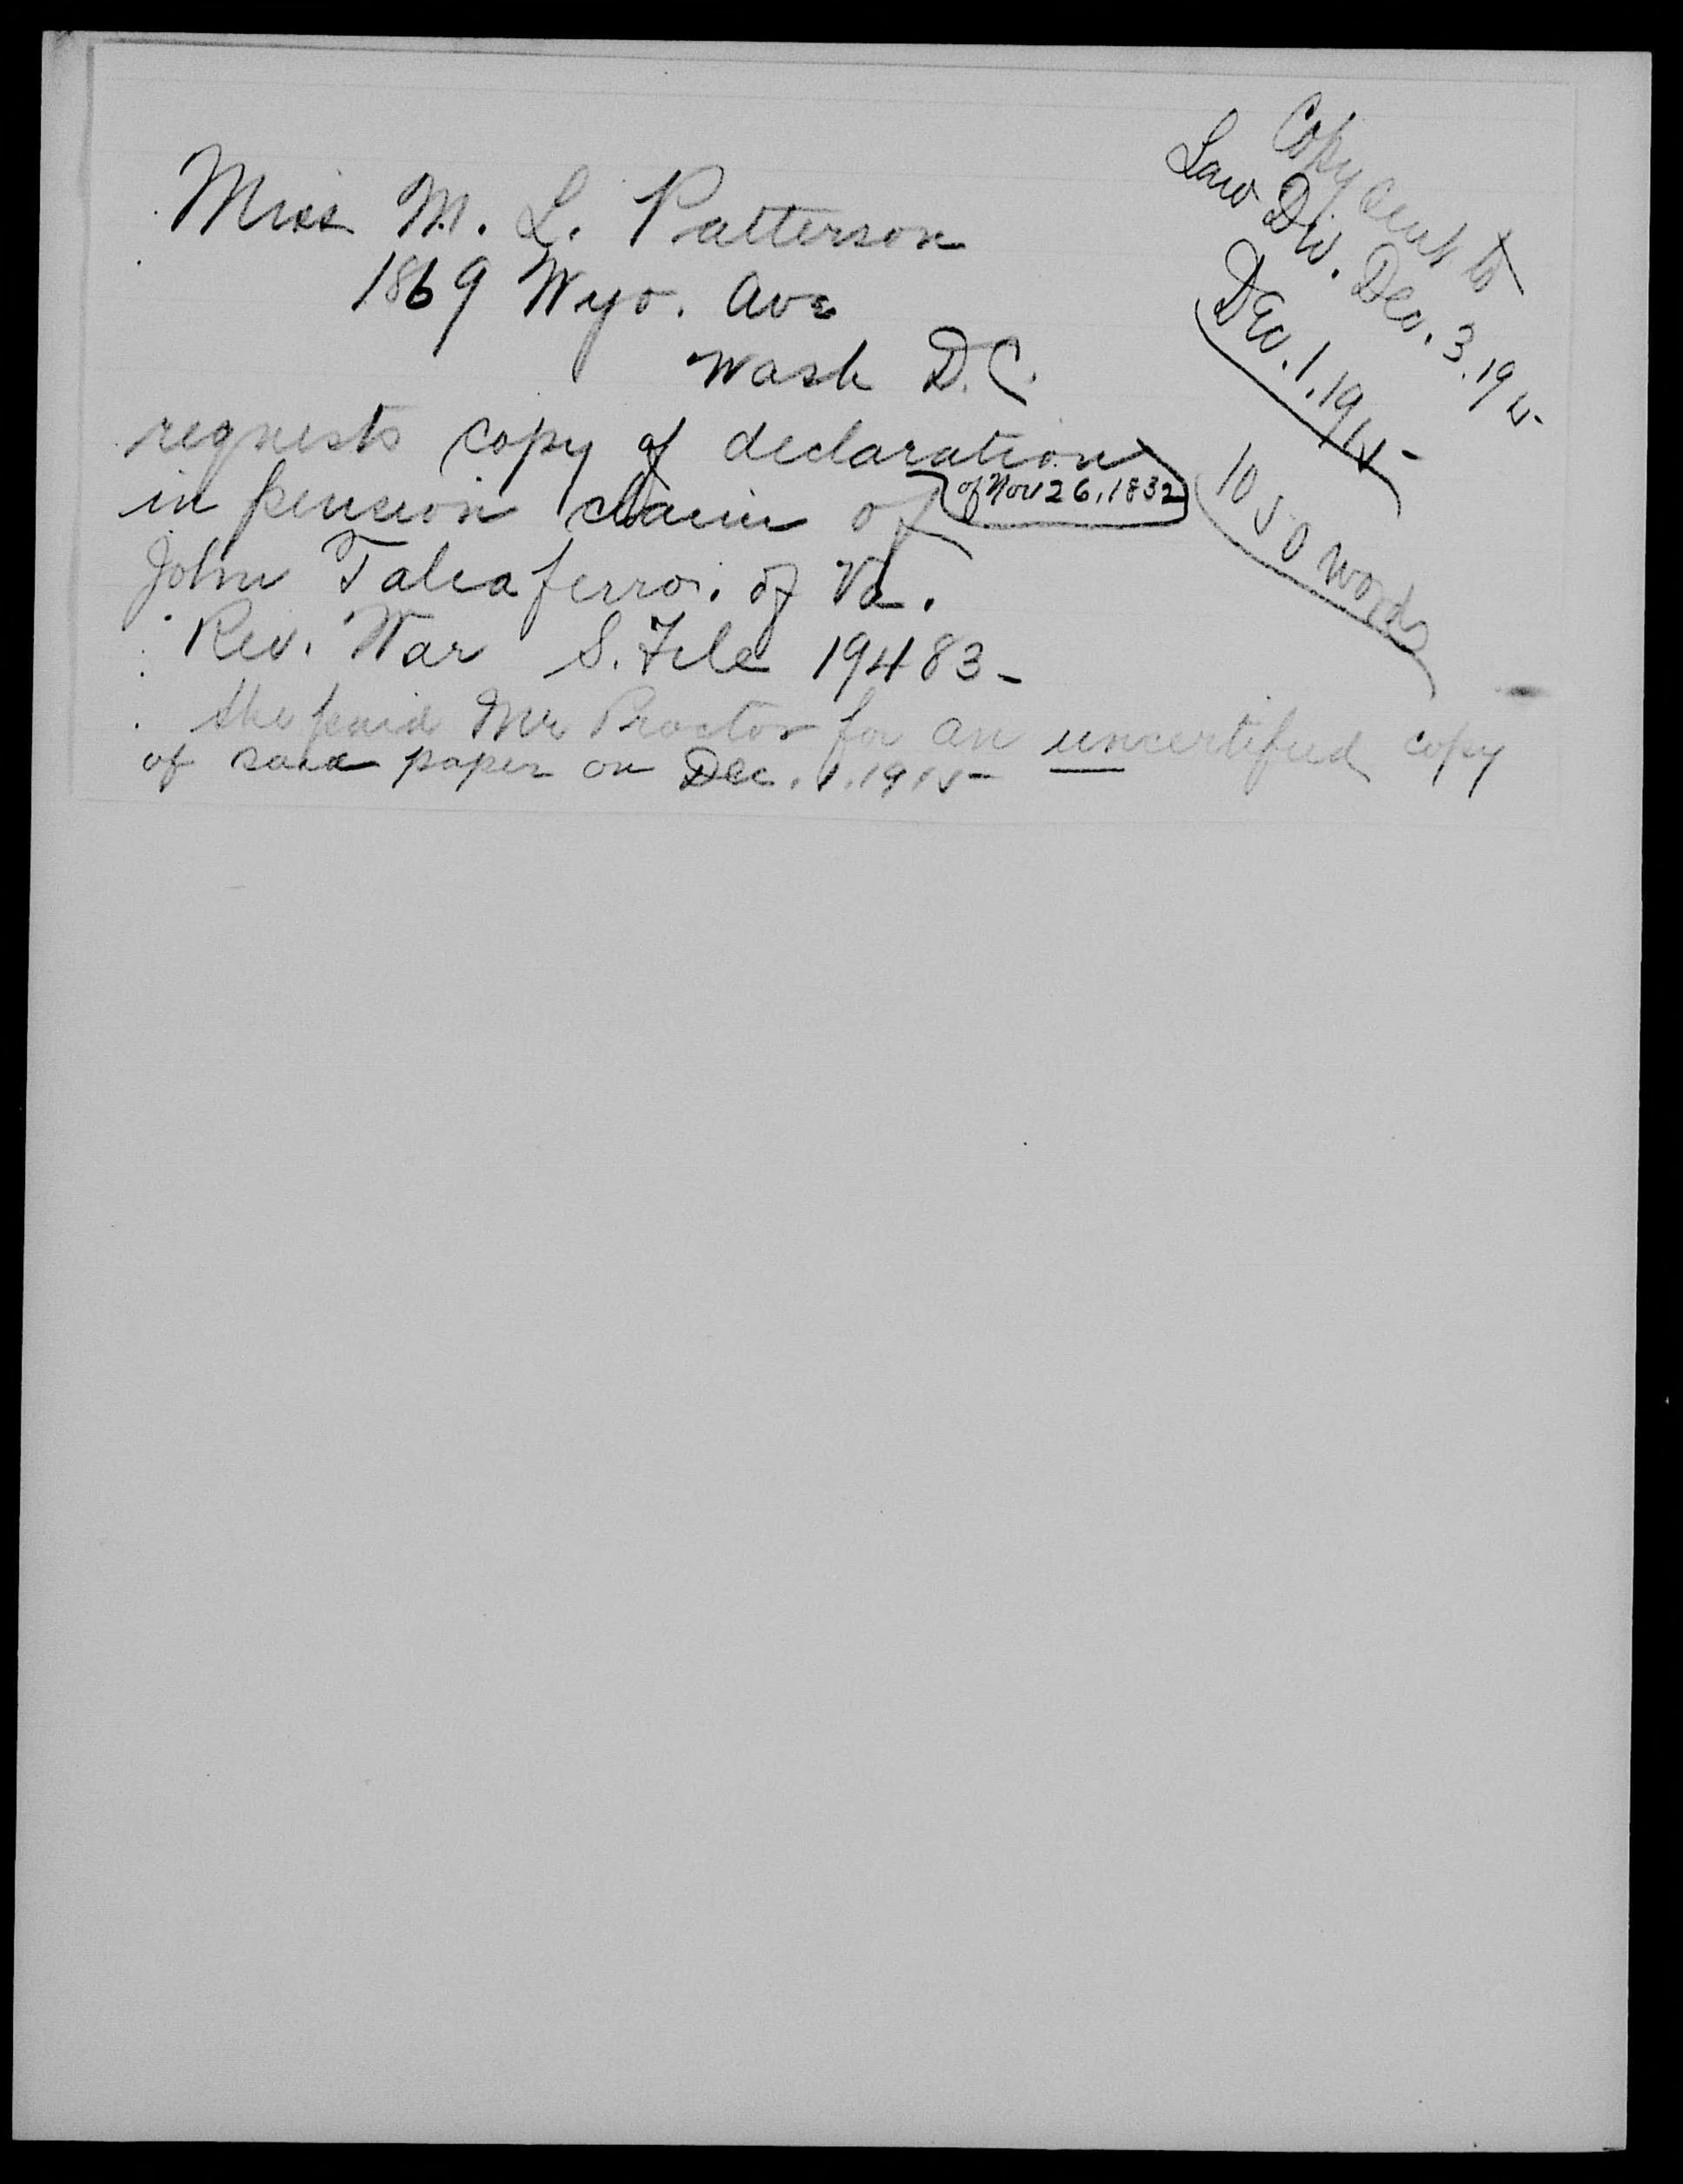[note at upper right]
Copy sent to Law Div Dec 3 1915. Dec 1 1915
1050 words [?]

Miss M. L. Patterson
1869 Wyo Ave
Wash D.C. 
requests copy of declaration of Nov 26 1832 in pension claim of John Taliaferro of Va. 
Rev War S File 19483
She paid Mr Proctor for an uncertified copy of said paper on Dec 1 1915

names: John Taliaferro; M L Patterson; [BLANK] Proctor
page: 22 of 34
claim: survivor's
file: S. 19483, for John Taliaferro, Virginia